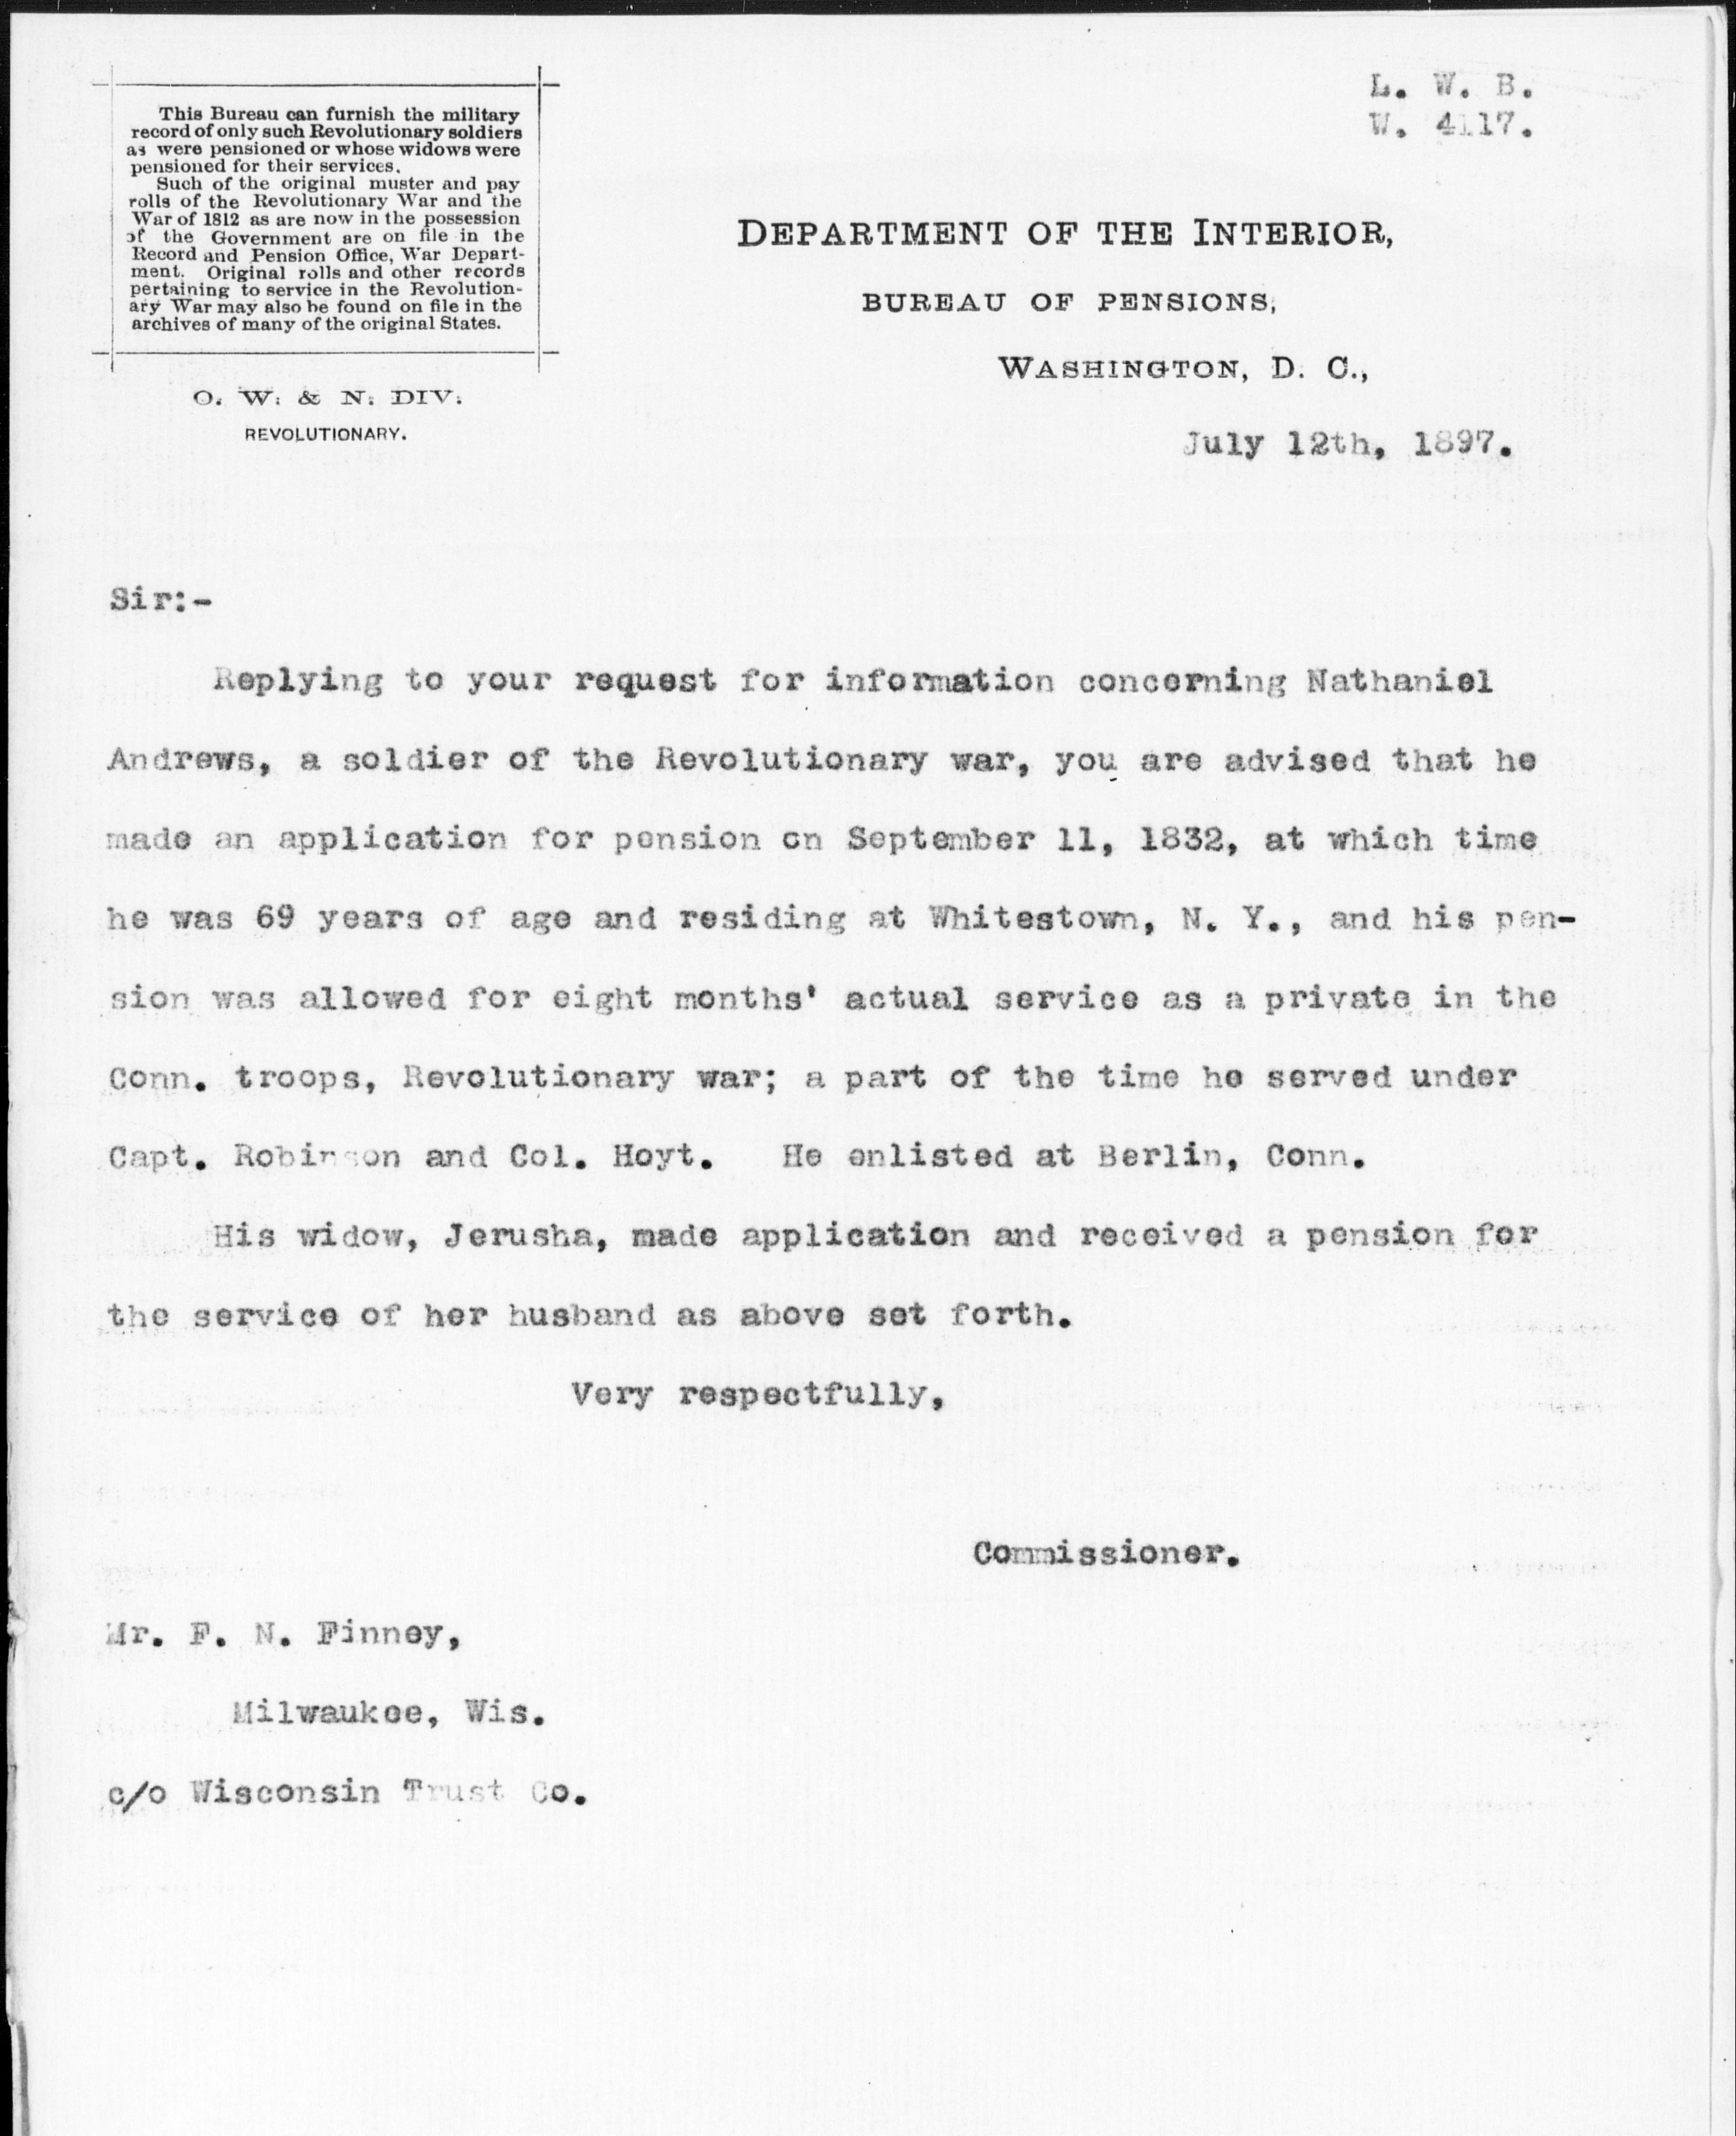This Bureau can furnish the military
record of only such Revolutionary soldiers
as were pensioned or whose widows were
pensioned for their services.
Such of the original muster and pay
rolls of the Revolutionary War and the
War of 1812 as are now in the possession
of the Government are on file in the
Record and Pension Office, War Department
Original rolls and other records
pertaining to service in the Revolutionary
War may also be found on file in the
archives of many of the original States.
O. W. & N. DIV.
Sir: --
REVOLUTIONARY.
L. W. B.
W. 4117,
DEPARTMENT OF THE INTERIOR,
BUREAU OF PENSIONS.
WASHINGTON, D. C.,
July 12th, 1897.
Sir
Replying to your request for information concerning Nathaniel
Andrews, a soldier of the Revolutionary war, you are advised that he
made an application for pension on September 11, 1832, at which time
he was 69 years of age and residing at Whitestown, N. Y., and his pension
was allowed for eight months' actual service as a private in the
Conn. troops, Revolutionary war; a part of the time he served under
Capt. Robinson and Col. Hoyt. He enlisted at Berlin, Conn.
His widow, Jerusha, made application and received a pension for
the service of her husband as above set forth.
Very respectfully,
Commissioner.
Mr. F. N. Finney,
Milwaukee, Wis.
c/o Wisconsin Trust Co.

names: Robinson, Nathaniel Andrews, Hoyt, F N Finney, Jerusha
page: 63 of 78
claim: widow's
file: W. 4117, Nathaniel Bradley, Conn.